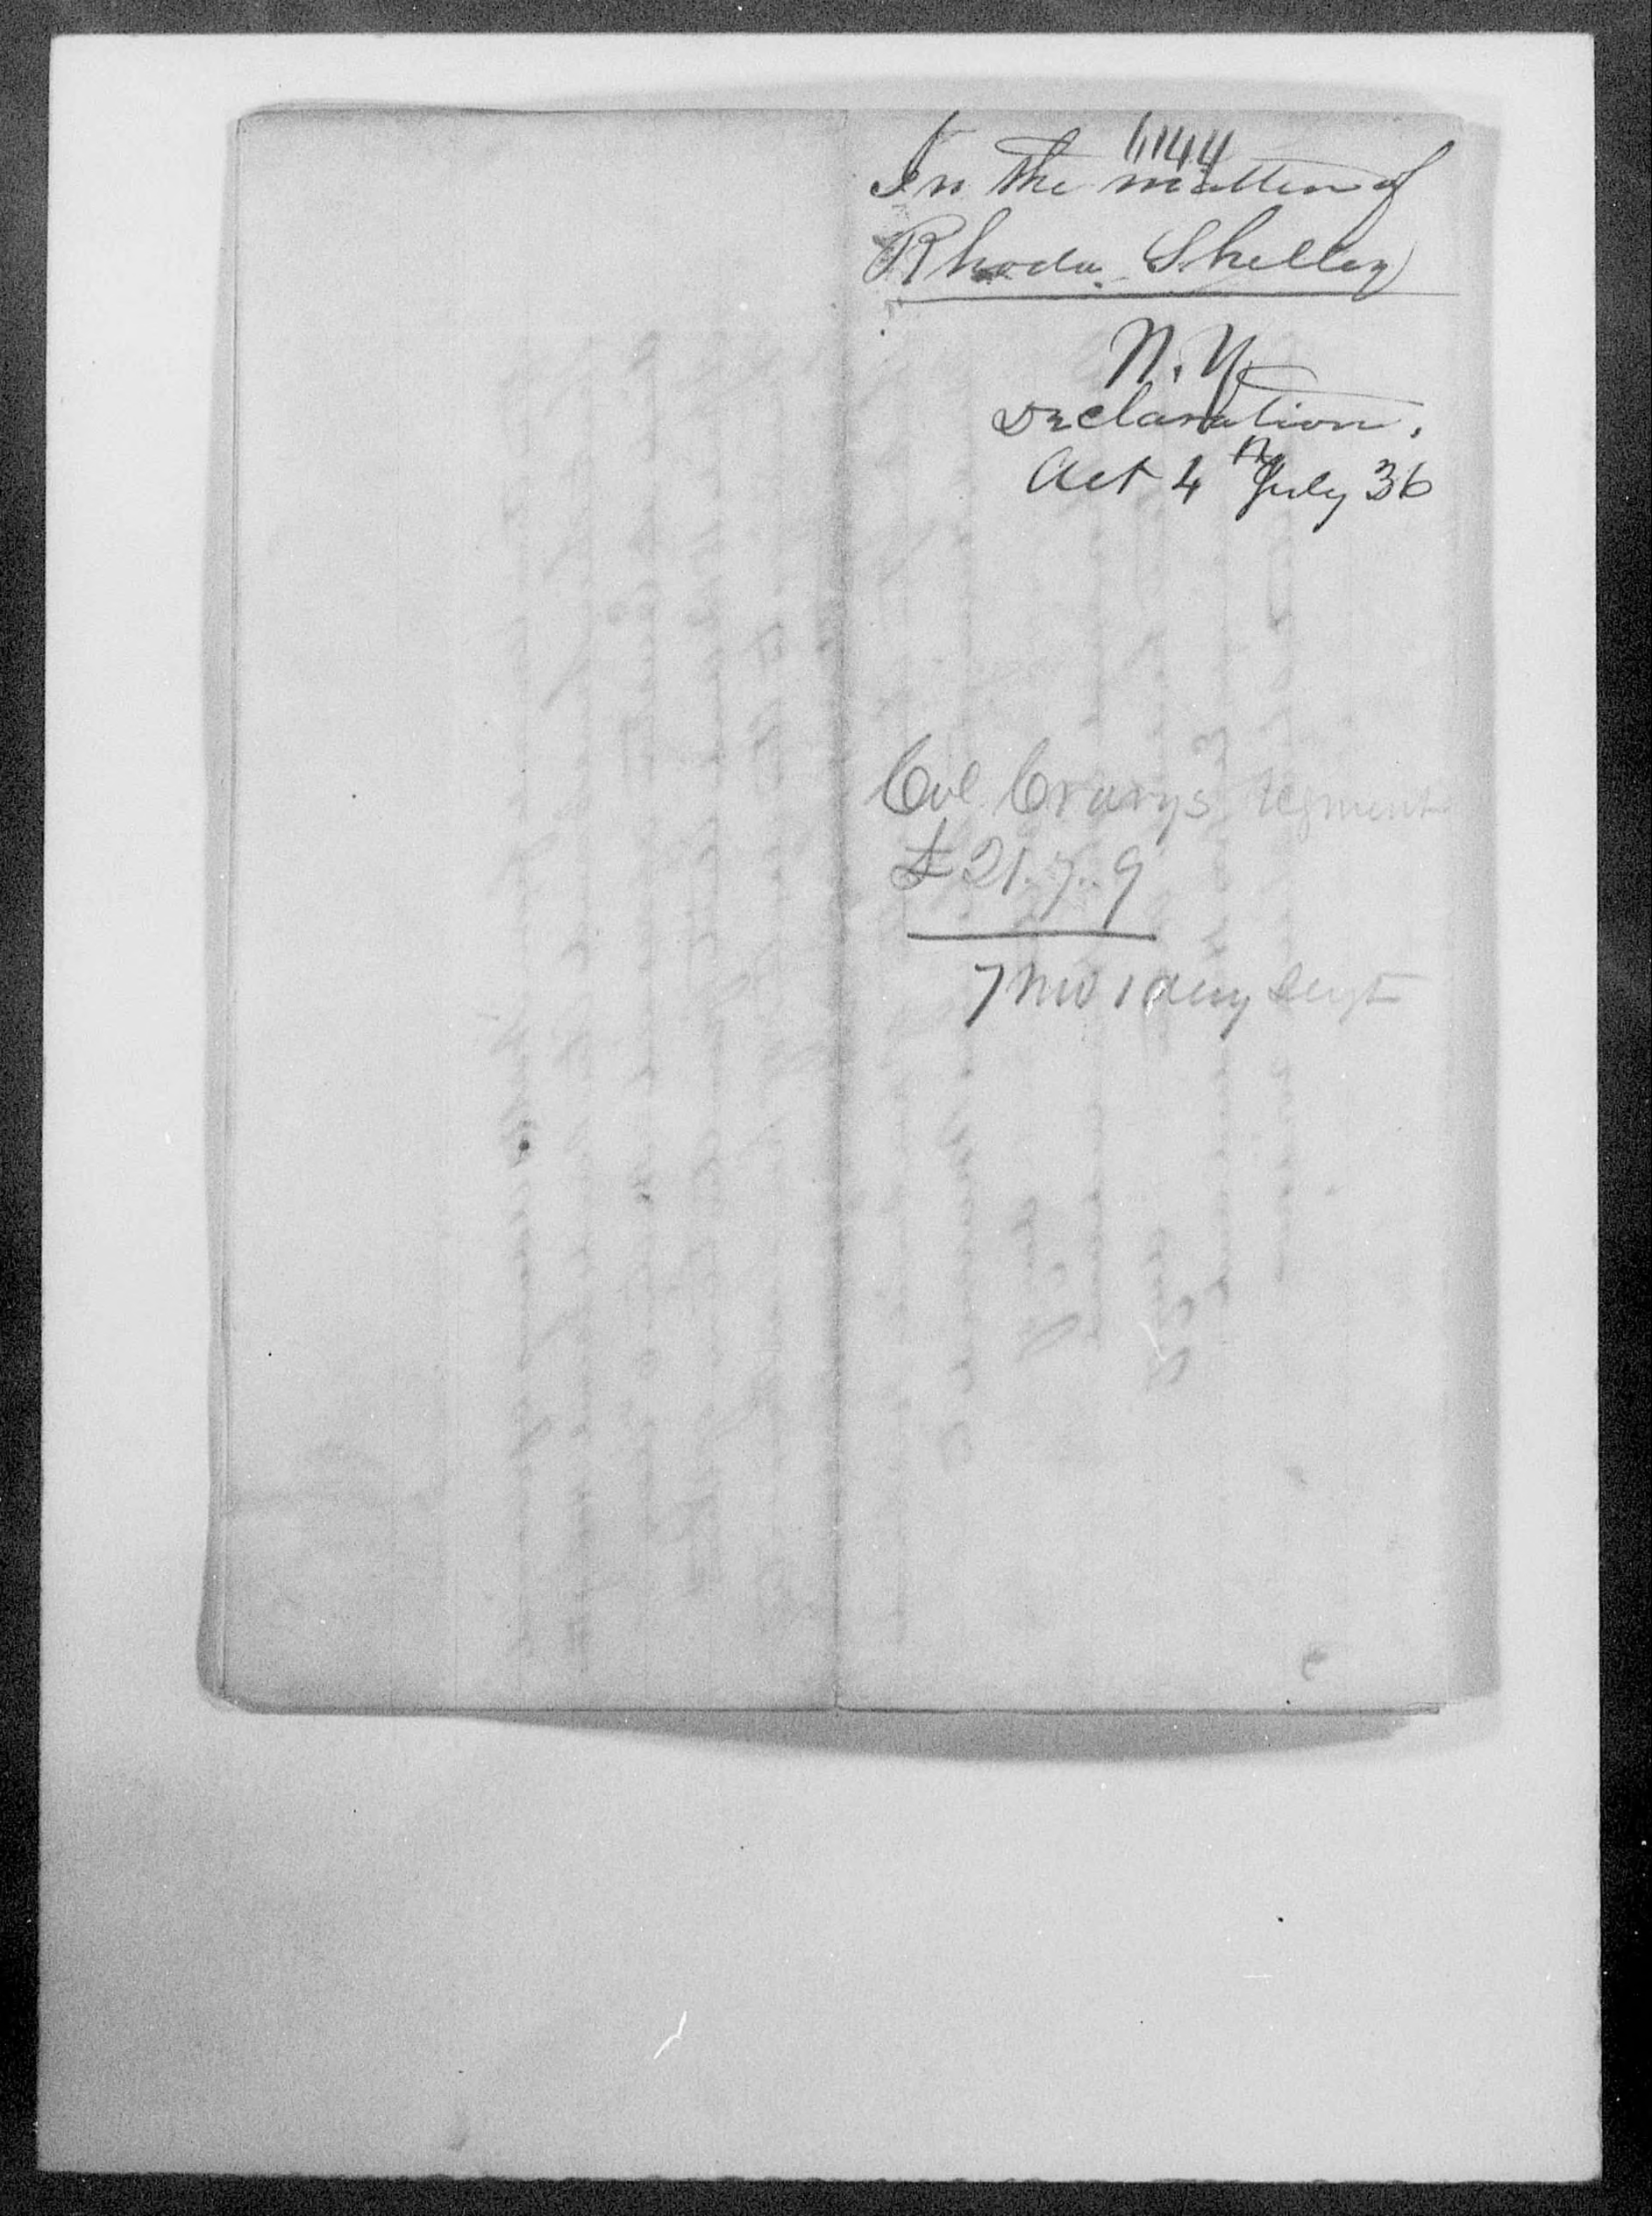6144
In the matter of Rhoda Shelley

N.Y.
Declaration,
Act 4th July 36

Col Crary's Regiment
[symbol] 21.7.9
7 mo 1 day sergt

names: Rhoda Shelley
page: 3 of 51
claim: widow's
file: W. 19,026, Israel Harrington, R.I.